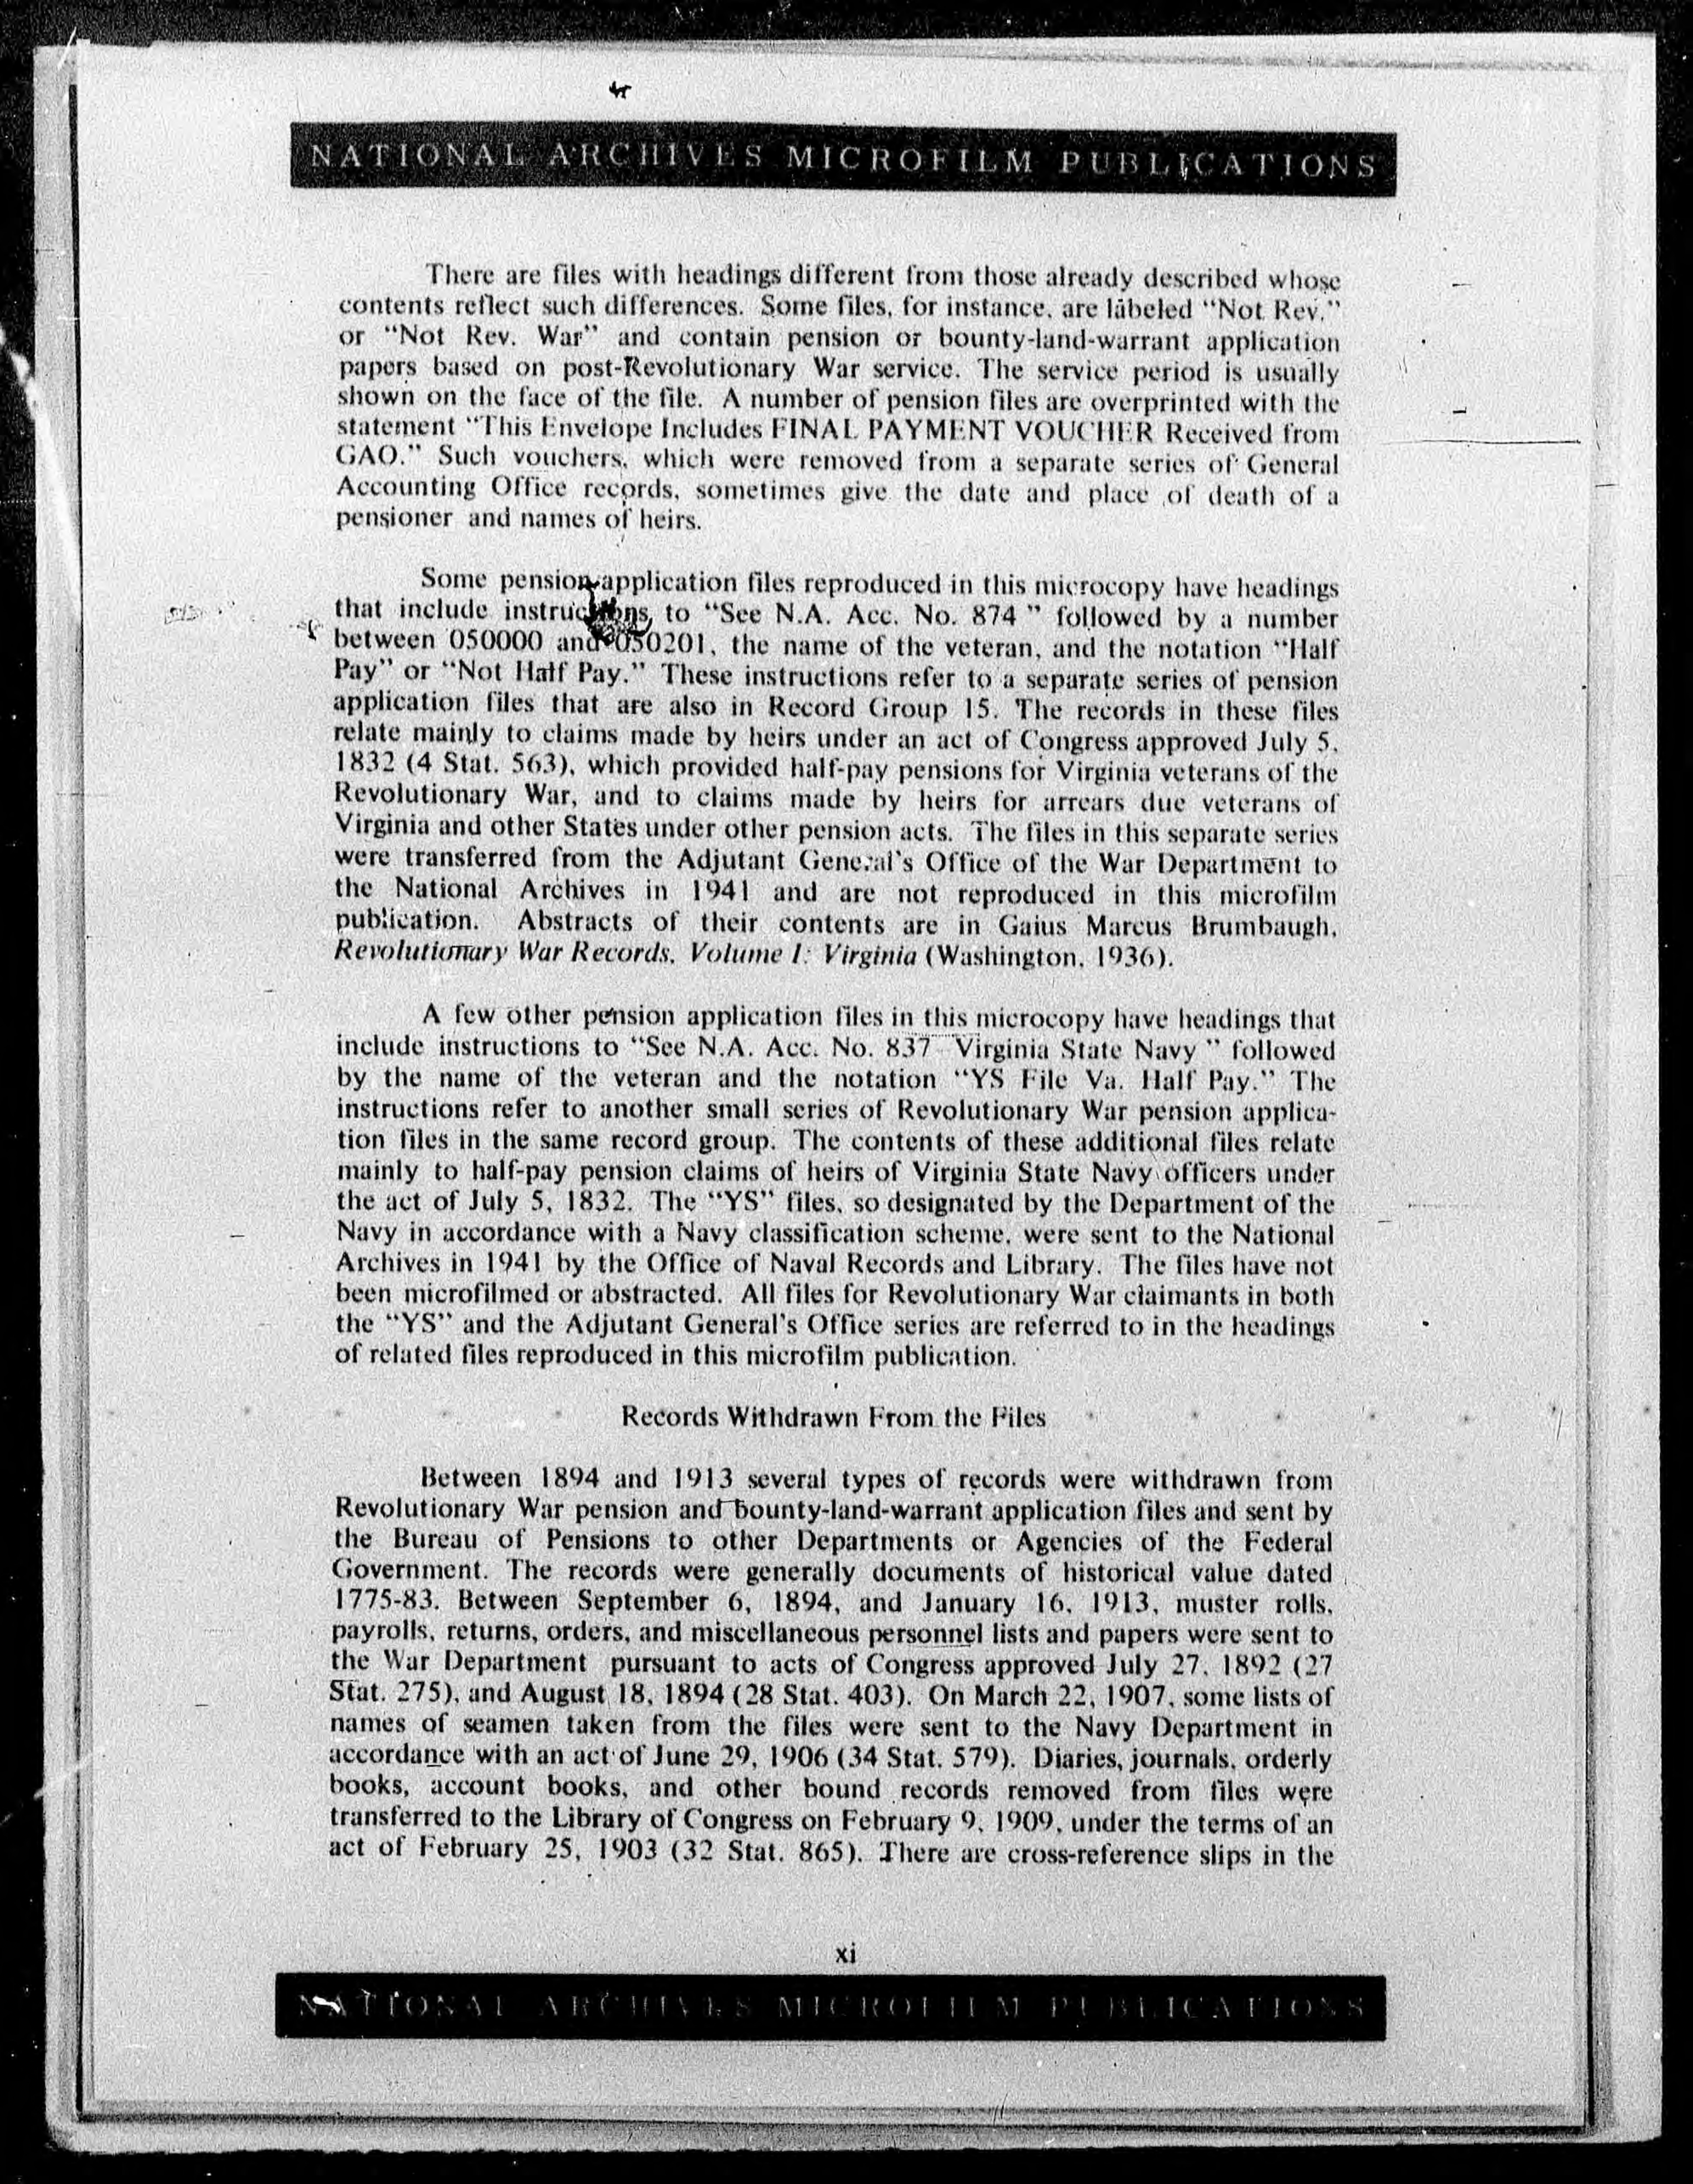There are files with headings different from those already described whose contents reflect such differences. Some files, for instance, are labeled "Not Rev." or "Not Rev. War" and contain pension or bounty-land-warrant application papers based on post-Revolutionary War service . The service period is usually shown on the face of the file. A number of pension files are overprinted with the statement "This Envelope includes FINAL PAYMENT VOUCHER Received from GAO." Such vouchers, which were removed from a separate series of General Accounting office records, sometimes give the date and place of death of a pensioner and names of heirs.
Some pension application files reproduced in this microcopy have headings that include instructions to "See N.A. Ace. No. 874" followed by a number between 050000 and 050201, the name of the veteran, and the notation "Half Pay" or "Not Half Pay." These instructions refer to a separate series of pension application files that are also in Record Group 15. The records in these files relate mainly to claims made by heirs under an act of Congress approved July 5, 1832 (4 Stat. 563), which provided half-pay pensions for Virginia veterans of the Revolutionary War, and to claims made by heirs for arrears due 
 veterans of Virginia and other States under other pension acts. the files in this separate series were transferred from the Adjutant General's Office of the War Department to the National Archives in 1941 and are not reproduced in this microfilm publication. Abstracts of their contents are in Gaius Marcus Brumbaugh, [italicized] 'Revolutionary War Records. Volume 1: Virginia' (Washington, 1936).
A few pension application files in this microcopy have headings that include instructions to "See N.A. Acc. No. 837 Virginia Sate Navy" followed by the name of the veteran and the notation "YS File Va. Half Pay." The instructions refer to another small series of Revolutionary War pension application files in the same record group. The contents of these additional files relate mainly to half-pay pension claims of heirs of Virginia State Navy officers under the act of July 5, 1832. The "YS" files, so designated by the Department of the Navy in accordance with a Navy classification scheme, were sent to the National Archives in 1941 by the Office of Naval Records and Library. The files have not been microfilmed or abstracted. All files for Revolutionary War claimants in both the "YS" and the Adjutant General's Office series are referred to in the headings of related files reproduced in this microfilm publication.
Records Withdrawn From the Files
Between 1894 and 1913 several types of records were withdrawn from Revolutionary War pension and bounty-land-warrant application files and sent by the Bureau of Pensions to other Departments or Agencies of the Federal Government. The records were generally documents of historical value dated 1775-83. Between September 6, 1894, and January 16, 1913, muster rolls, payrolls, returns, orders, and miscellaneous personnel lists and papers were sent to the War Department pursuant to acts of Congress approved July 27, 1892 (27 Stat. 275), and August 18, 1894 (28 Stat. 403). On March 22, 1907, some lists of names of seamen taken from the files were sent to the Navy Department in accordance with an act of June 29, 1906 (34 Stat, 579). Diaries, journals, orderly books, account books, and other bound records removed from files were transferred to the Library of Congress on February 9, 1909, under the terms of an act of February 25, 1903 (32 Stat. 865). There are cross-reference slips in the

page: 10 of 59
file: Revolutionary War Pension and Bounty Land Warrant Application File